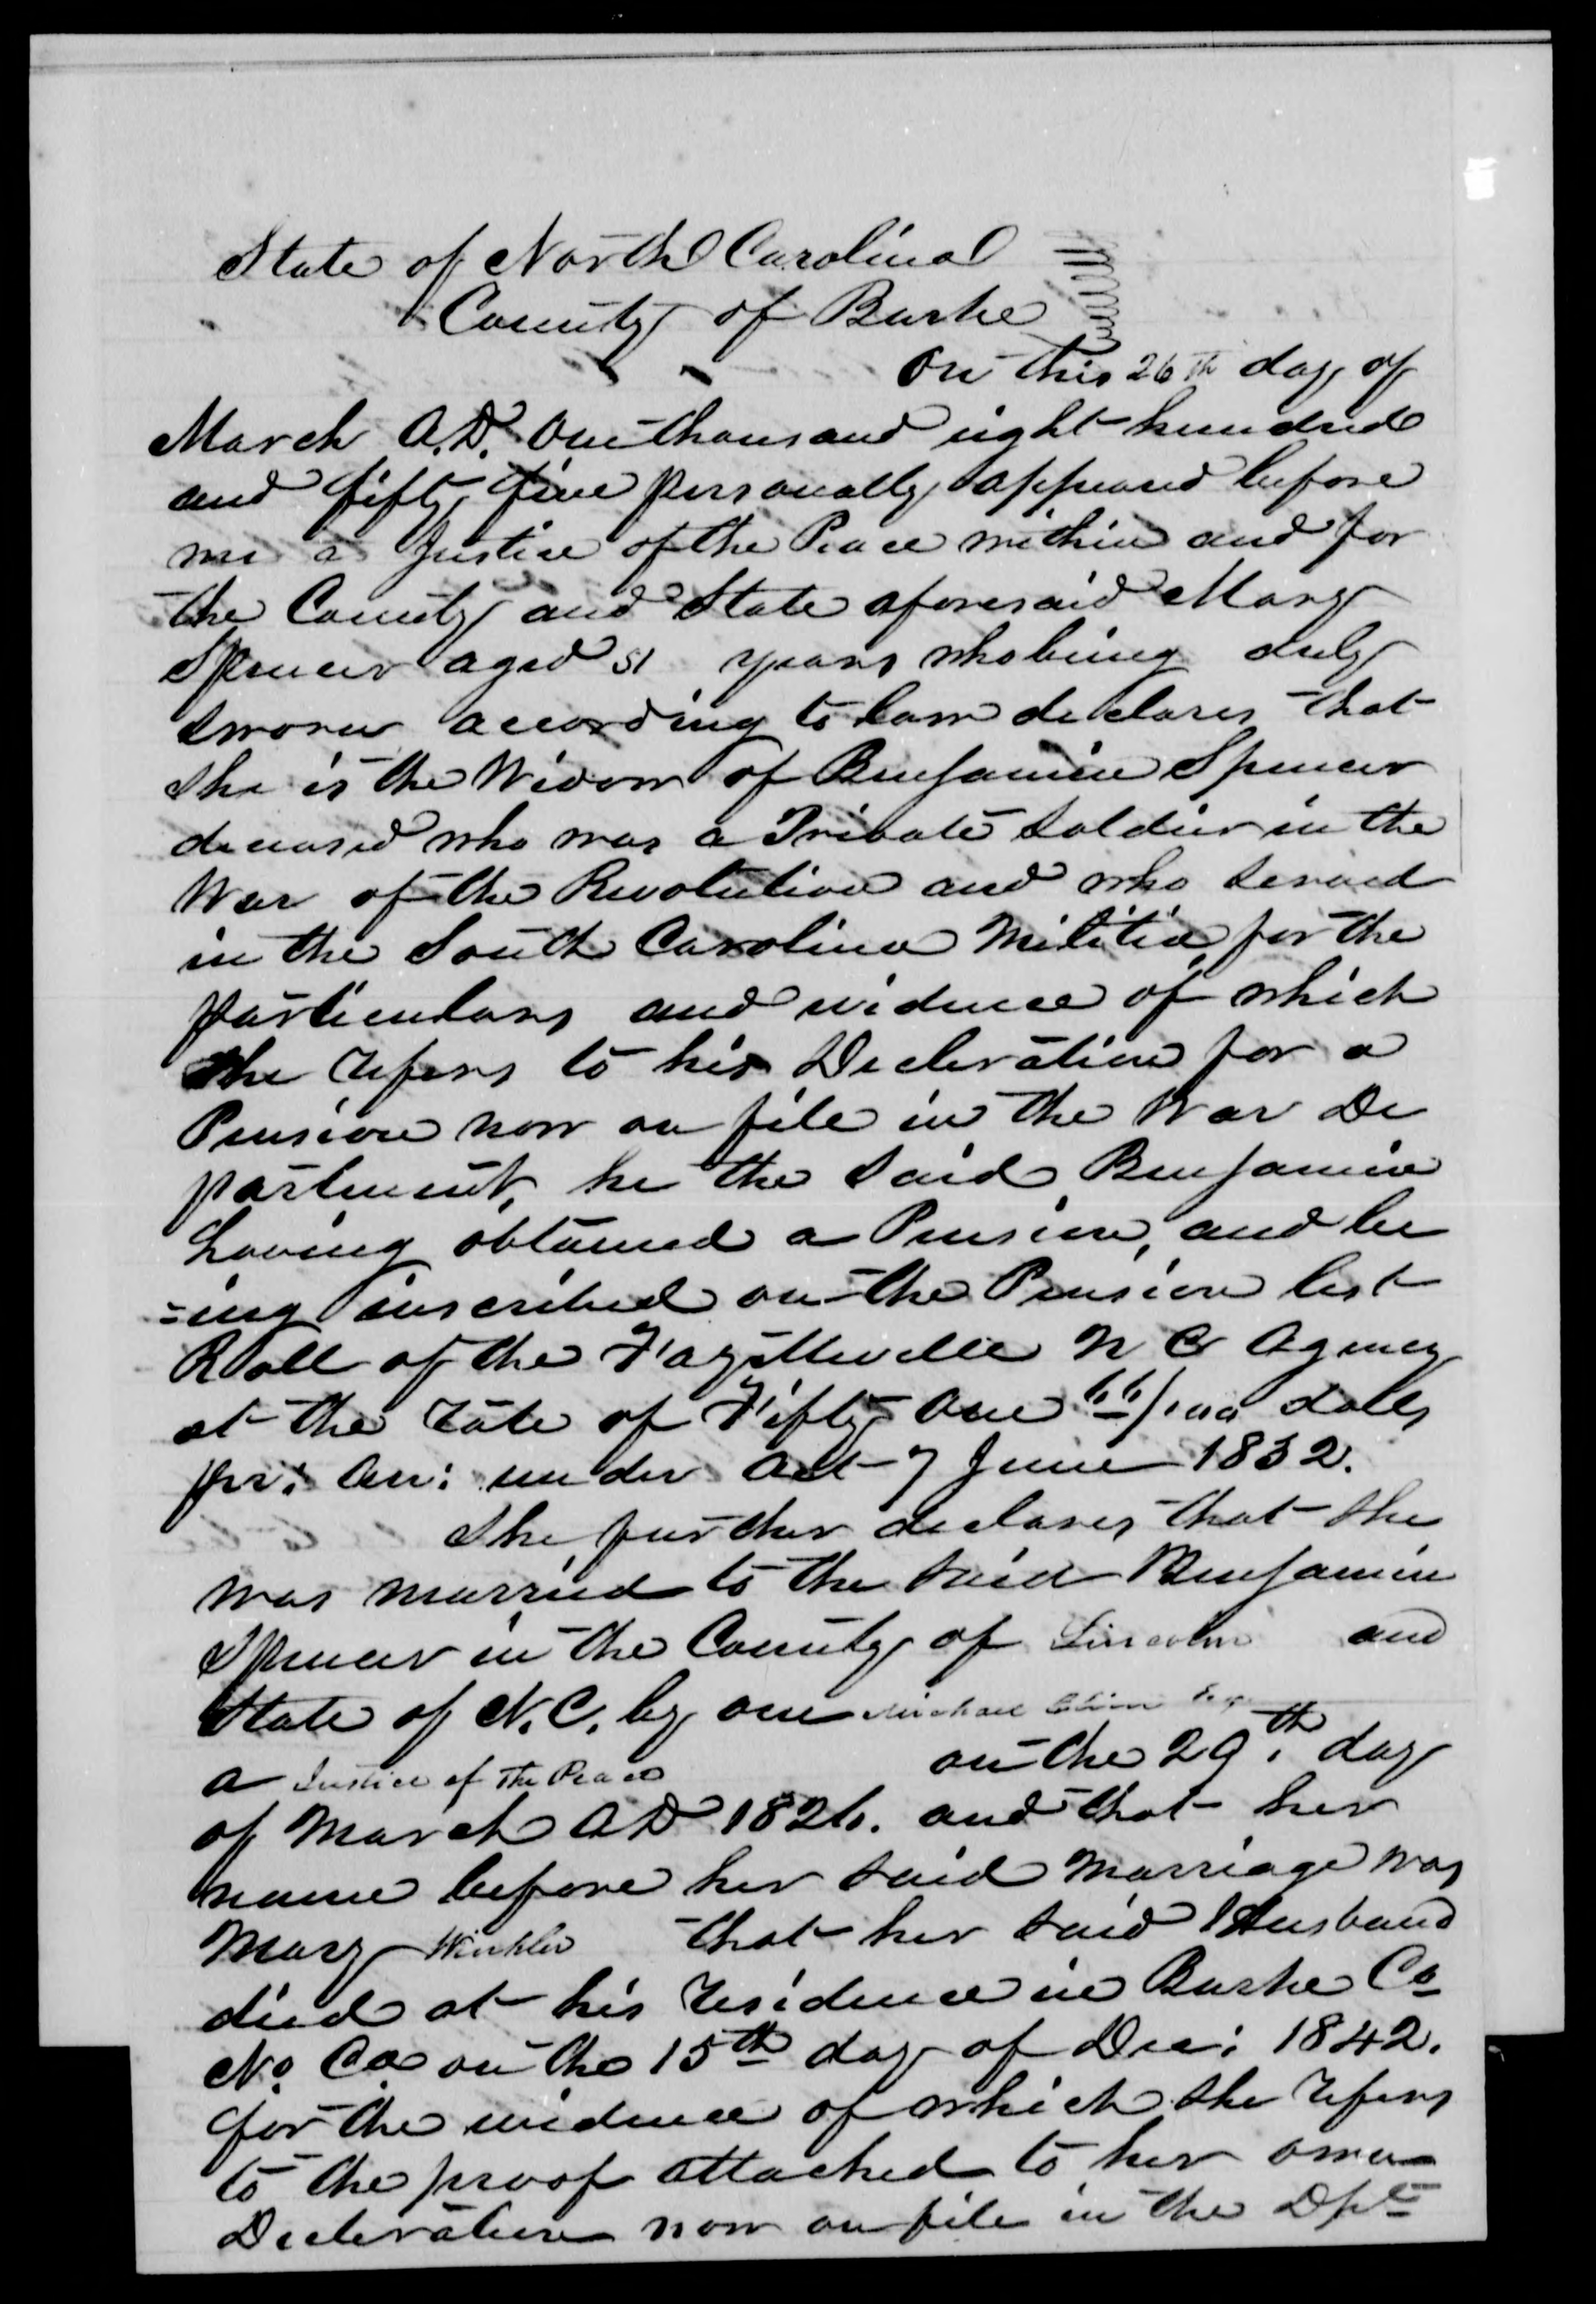State of North Carolina
County of Burke
On this 26th day of
March A.D. One thousand eight hundred
and fifty five personally appeared before
me a Justice of the Peace within and for
the County and State aforesaid Mary
Spencer aged 81 years who being duly
Sworn according to law declares that
she is the widow of Benjamin Spencer
deceased who was a Private soldier in the
War of the Revolution and who served
in the South Carolina Militia for the
particulars and evidence of which
she refers to his Declaration for a
Pension now on file in the War Department, he the said Benjamin having obtained a pension, and being inscribed on the Pension list
Roll of the Fayetteville NC Agency
at the rate of Fifty one 66/100 dollars per an:
 under act 7 June 1832.
She further declares that she
was married to the said Benjamin
Spencer in the County of Lincoln and
State of N.C. by one Michael Elwin Esq.
a Justice of the Peace
on the 29th day
of March AD 1826, and that her
name before her said marriage was
Mary Winkler that her said Husband
died at his residence in Burke Co
No Ca on the 15th day of Dec. 1842
for the evidence of which she refers
to the proof attached to her own
Declaration now on file in the Dept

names: Benjamin [BLANK]; Benjamin Spencer; Michael Elvin; Benjamin Spencer; Mary Spencer; Mary Winkler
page: 18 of 63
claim: widow's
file: W. 6158, for Benjamin Spencer, North Carolina